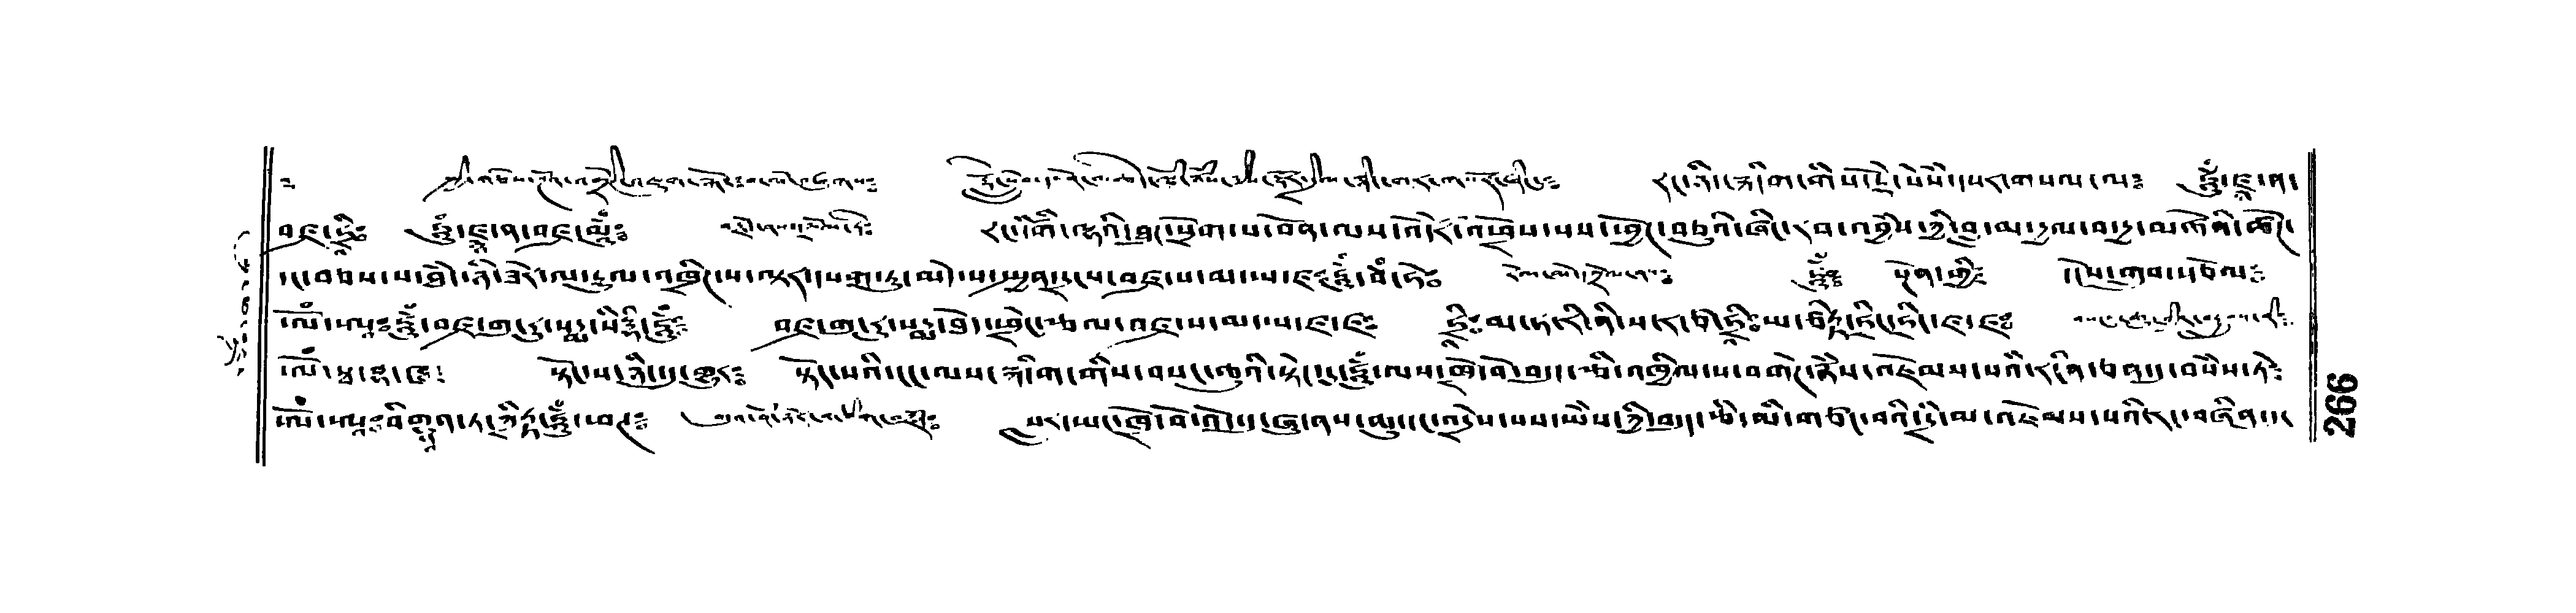སྤྱི་གཅེས་སྔོན་འགྲོའི་འཇུག་སྒོ་ཟབ་མོ་བཞུགས༔ རྡོ་རྗེ་སློབ་དཔོན་མཆེད་ལྕམ་རྣམས་ཀྱིས་རྡོར་དྲིལ་སྙིང་གར་གསོར་ཞིང༔ རང་ཉིད་སྐད་ཅིག་གིས་རྡོ་རྗེ་སེམས་དཔར་གསལ་ལ༔ ཧཱུྃ་ཛྙཱ་ན་
བཛྲ་ཧྲཱིཿ ཧཱུྃ་ཛྙཱ་ན་བཛྲ་མཱུྃ༔ བརྗོད་ནས་དཀྲོལ་ཏེ༔ རང་དམ་ཚིག་ལྷའི་ཐུགས་སྲོག་ས་བོན་ལས་འོད་ཟེར་འཕྲོས་པས་ཕྱོགས་བཅུའི་ཞིང་རབ་འབྱམས་ཀྱི་བླ་མ་རྒྱ་མཚོའི་ཚོགས་
དང་བཅས་པ་ཐམས་ཅད་ཉི་ཟེར་ལ་རྡུལ་འཁྲིགས་པ་ལྟར་དཔག་ཏུ་མེད་པ་སྤྱན་དྲངས་བཛྲ་ས་མ་ཡ་ཛཿཧཱུྃ་བྃ་ཧོཿ རོལ་མོ་དཀྲོལ་ནས༔ ཧཱུྃ༔ སྔོན་གྱི༴ དངོས་གྲུབ་སྩོལ༔ 
ཨོཾ་ཨཱཿཧཱུྃ་བཛྲ་གུ་རུ་པདྨ་སིདྡྷི་ཧཱུྃ༔ བཛྲ་གུ་རུ་པདྨ་ཐོད་ཕྲེང་རྩལ་བཛྲ་ས་མ་ཡ་ཛ་ཛཿ ཧྲཱིཿམ་ཧ་རི་ནི་ས་ར་ཙ་ཧྲཱིཿཡ་ཙིཏྟ་ཧྲིང་ཧྲིང་ཛ་ཛཿ བསང་ཆུ་བྱིན་བརླབས་ནི༔
ཨོཾ་སྭ་བྷ་ཝ༴ སྟོང་པ་ཉིད་དུ་གྱུར༔ སྟོང་པའི་ངང་ལས་སྐད་ཅིག་གིས་བསང་ཆུའི་སྟེང་དུ་ཧཱུྃ་ལས་ཁྲོ་བོ་བདུད་རྩི་འཁྱིལ་པ་བགེགས་རྣམས་འཇོམས་པའི་རང་བཞིན་ཅན་དུ་བསམས་ཏེ༔ 
ཨོཾ་ཨཱཿབིགྷྣཱན་ཏ་ཀྲིཏྟ་ཧཱུྃ་ཕཊ༔ བདུན་ནམ་ཉེར་གཅིག་བརྗོད༔ སླར་ཡང་ཁྲོ་བོ་འོད་དུ་ཞུ་ནས་ཆུ་དང་འདྲེས་པས་ཡེ་ཤེས་ཀྱི་བདུད་རྩི་མི་གཙང་བའི་དྲི་མ་འཇོམས་པའི་རང་བཞིན་དུ་